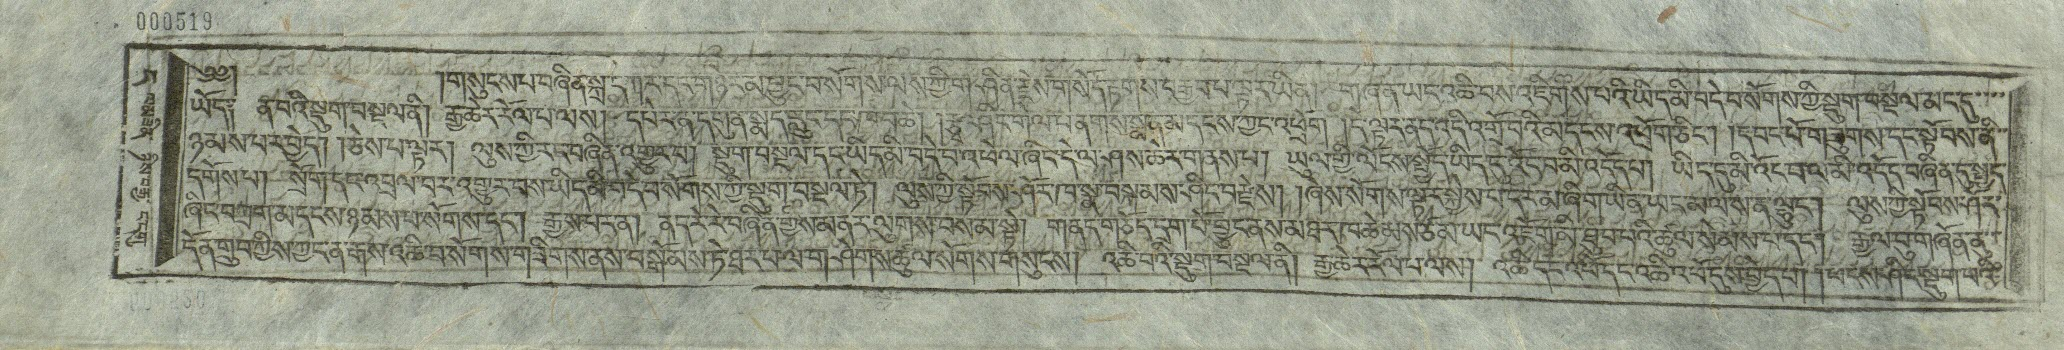༄༅། །གསུངས་པ་བཞིན་སྐྲ་དཀར་དང་གཉེར་མ་བྱུང་བ་སོགས་ལས་ཀྱི་གཤིན་རྗེས་གསོད་རྟགས་བརྒྱབ་པ་ལྟར་ཡིན། གཞན་ཡང་འཆི་བས་འཇིགས་པའི་ཡིད་མི་བདེ་བ་སོགས་ཀྱི་སྡུག་བསྔལ་མང་དུ་
ཡོད༑ ན་བའི་སྡུག་བསྔལ་ནི། རྒྱ་ཆེར་རོལ་པ་ལས། དཔེར་ན་དགུན་སྨད་རླུང་དང་ཁ་བ་ཆེ། །རྩྭ་ཤིང་གེལ་པ་ནགས་སྨན་མདངས་ཀྱང་འཕྲོག །དེ་ལྟར་ནད་འདི་འགྲོ་བའི་མདངས་འཕྲོག་ཅིང་། །དབང་པོ་གཟུགས་དང་སྟོབས་ནི་
ཉམས་པར་བྱེད། །ཅེས་པ་ལྟར། ལུས་ཀྱི་རང་བཞིན་འགྱུར་བ། སྡུག་བསྔལ་དང་ཡིད་མི་བདེ་བ་འཕེལ་ཞིང་དེ་ལ་ཤས་ཆེར་གནས་པ། ཡུལ་གྱི་ལོངས་སྤྱོད་ཡིད་དུ་འོང་བ་མི་འདོད་པ། ཡིད་དུ་མི་འོང་བ་ལ་མི་འདོད་བཞིན་དུ་སྤྱད་
དགོས་པ། སྲོག་དང་འབྲལ་བར་འགྱུར་བས་ཡིད་མི་བདེ་བ་སོགས་ཀྱི་སྡུག་བསྔལ་ཏེ། ལུས་ཀྱི་སྟོབས་ཤོར་ཁ་སྣ་བསྐམས་ཤིང་བརྫེས། །ཞེས་སོགས་ལྟར་སྐྱེས་པ་དར་མ་ཞིག་ཡིན་ཡང་མལ་ས་ན་ལྷུང་། ལུས་ཀྱི་སྟོབས་ཤོར་
ཞིང་བཀྲག་མདངས་ཉམས་པ་སོགས་དང་། རྒྱས་པར་ན། ནད་རེ་རེ་བཞིན་གྱིས་མནར་ལུགས་བསམ་སྟེ། གནད་གཅོད་དྲག་པོ་བྱུང་ནས་མཐར་ཁ་ཆེམས་ཙམ་ཡང་འཇོག་མི་ཐུབ་པའི་ཚུལ་སེམས་པ་དང་། རྒྱལ་བུ་གཞོན་ནུ་
དོན་གྲུབ་ཀྱིས་ཀྱང་ན་རྒས་འཆི་བ་སོགས་གཟིགས་ནས་བསྒོམས་ཏེ་ཐར་པ་ལ་གཤེགས་ཚུལ་སོགས་གསུངས། འཆི་བའི་སྡུག་བསྔལ་ནི། རྒྱ་ཆེར་རོལ་པ་ལས། འཆི་དང་འཕོ་དང་འཆི་འཕོ་དུས་བྱེད་པ། །ཕངས་ཤིང་སྡུག་པའི་